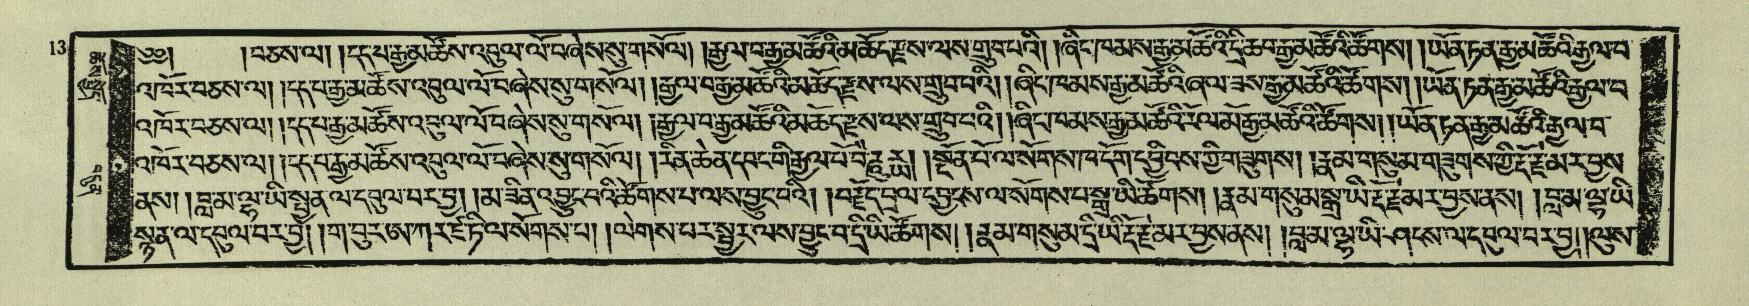༄༅། །བཅས་ལ། །དད་པ་རྒྱ་མཚོས་འབུལ་ལོ་བཞེས་སུ་གསོལ། །རྒྱལ་བ་རྒྱ་མཚོའི་མཆོད་རྫས་ལས་གྲུབ་པའི། །ཞིང་ཁམས་རྒྱ་མཚོའི་དྲི་ཆབ་རྒྱ་མཚོའི་ཚོགས། །ཡོན་ཏན་རྒྱ་མཚོའི་རྒྱལ་བ་
འཁོར་བཅས་ལ། །དད་པ་རྒྱ་མཚོས་འབུལ་ལོ་བཞེས་སུ་གསོལ། །རྒྱལ་བ་རྒྱ་མཚོའི་མཆོད་རྫས་ལས་གྲུབ་པའི། །ཞིང་ཁམས་རྒྱ་མཚོའི་ཞལ་ཟས་རྒྱ་མཚོའི་ཚོགས། །ཡོན་ཏན་རྒྱ་མཚོའི་རྒྱལ་བ་
འཁོར་བཅས་ལ། །དད་པ་རྒྱ་མཚོས་འབུལ་ལོ་བཞེས་སུ་གསོལ། །རྒྱལ་བ་རྒྱ་མཚོའི་མཆོད་རྫས་ལས་གྲུབ་པའི། །ཞིང་ཁམས་རྒྱ་མཚོའི་རོལ་མོ་རྒྱ་མཚོའི་ཚོགས། །ཡོན་ཏན་རྒྱ་མཚོའི་རྒྱལ་བ་
འཁོར་བཅས་ལ། །དད་པ་རྒྱ་མཚོས་འབུལ་ལོ་བཞེས་སུ་གསོལ། །རིན་ཆེན་དབང་གི་རྒྱལ་པོ་བཻ་ཌཱུརྱ། །སྔོན་པོ་ལ་སོགས་ཁ་དོག་དབྱིབས་ཀྱི་གཟུགས། །རྣམ་གསུམ་གཟུགས་ཀྱི་རྡོ་རྗེ་མར་བྱས་
ནས། །བླ་མ་ལྷ་ཡི་སྤྱན་ལ་དབུལ་པར་བྱ། །མ་ཟིན་འབྱུང་བའི་ཚོགས་པ་ལས་བྱུང་བའི། །བརྗོད་བྲལ་དབྱངས་ལ་སོགས་པ་སྒྲ་ཡི་ཚོགས། །རྣམ་གསུམ་སྒྲ་ཡི་རྡོ་རྗེ་མར་བྱས་ནས། །བླ་མ་ལྷ་ཡི་
སྙན་ལ་དབུལ་བར་བྱ། །ག་བུར་ཨ་ཀར་ཛ་ཏི་ལ་སོགས་པ། །ལེགས་པར་སྦྱར་ལས་བྱུང་བ་དྲི་ཡི་ཚོགས། །རྣམ་གསུམ་དྲི་ཡི་རྡོ་རྗེ་མར་བྱས་ནས། །བླ་མ་ལྷ་ཡི་ཤངས་ལ་དབུལ་བར་བྱ། །ལུས་